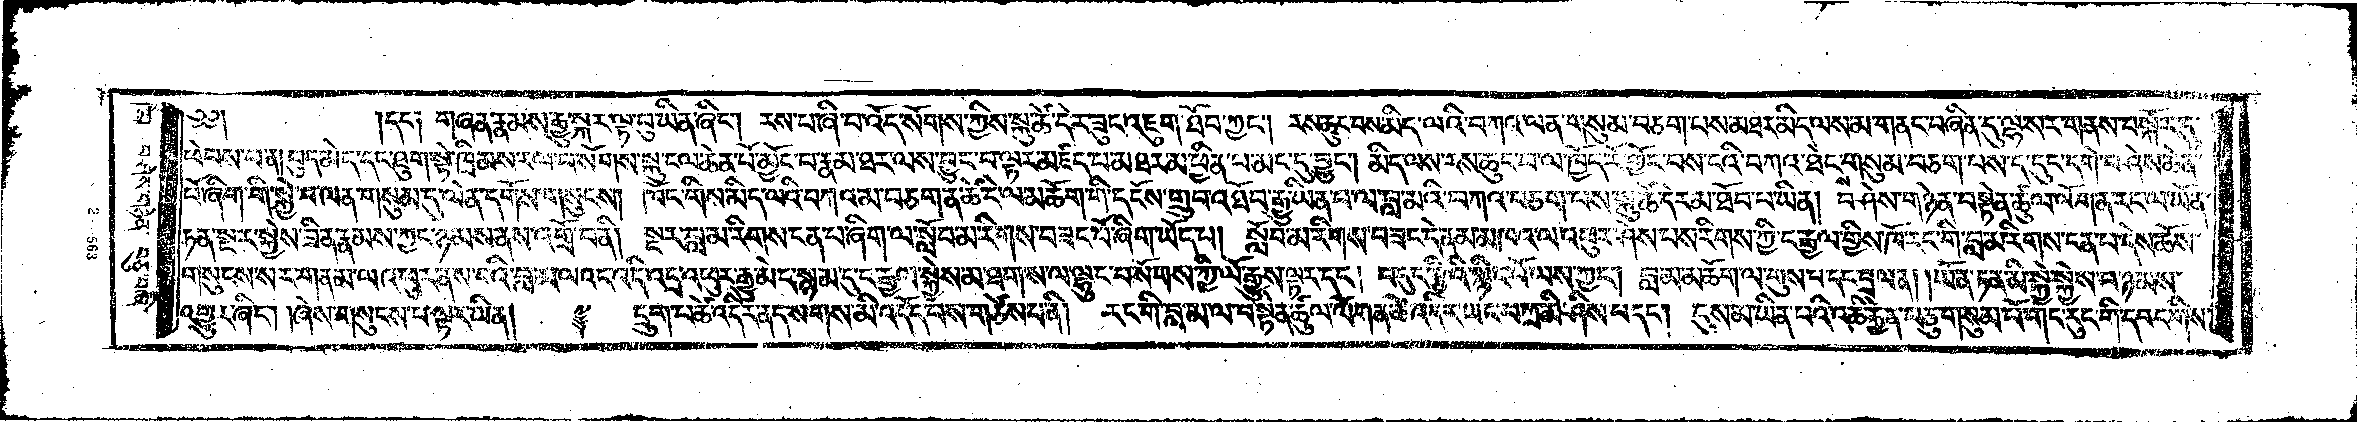༄༅། །དང༑ གཞན་རྣམས་རྒྱུ་སྐར་ལྟ་བུ་ཡིན་ཞིང་། རས་པ་ཞི་བ་འོད་སོགས་ཀྱིས་སྐུ་ཚེ་དེར་ཟུང་འཇུག་ཐོབ་ཀྱང་། རས་ཆུང་བས་མིད་ལའི་བཀའ་ལན་གསུམ་བཅག་པས་མཐར་མིད་ལས་མ་གནང་བཞིན་དུ་ལྷ་སར་གནས་བསྐོར་དུ་
ཕེབས་པ་ན་།བུད་མེད་དང་ཐུག་སྟེ་ཁྲིམས་རལ་བ་སོགས་སྐུ་ངལ་ཆེན་པོ་མྱོང་བ་རྣམ་ཐར་ལས་བྱུང་བ་ལྟར་མཛད་པ་མཐར་མ་ཕྱིན་པ་མང་དུ་བྱུང་། མིད་ལས་རས་ཆུང་བ་ལ་ཁྱོད་རོ་གྱོང་བས་ངའི་བཀའ་ཐེངས་གསུམ་བཅག་པས་ད་དུང་དགེ་བཤེས་ཆེན་
པོ་ཞིག་གི་སྐྱེ་བ་ལན་གསུམ་དུ་ལེན་དགོས་གསུངས། ཁོང་གིས་མིད་ལའི་བཀའ་མ་བཅག་ན་ཚེ་དེ་ལ་མཆོག་གི་དངོས་གྲུབ་འཐོབ་རྒྱུ་ཡིན་པ་ལ་བླ་མའི་བཀའ་བཅག་པས་སྐུ་ཚེ་དེར་མ་ཐོབ་པ་ཡིན། བཤེས་གཉེན་བསྟེན་ཚུལ་ལོག་ན་རང་ལ་ཡོན་
ཏན་སྔར་སྐྱེས་ཟིན་རྣམས་ཀྱང་ཉམས་ནས་འགྲོ་བ་ནི། སྔར་བླ་མ་རིགས་ངན་པ་ཞིག་ལ་སློབ་མ་རིགས་བཟང་པོ་ཞིག་ཡོད་པ། སློབ་མ་རིགས་བཟང་དེ་ནམ་མཁའ་ལ་འཕུར་ཤེས་པས་རིགས་ཀྱི་ང་རྒྱལ་གྱིས་ཁོ་རང་གི་བླ་མ་རིགས་ངན་པ་དེས་ཆོས་
གསུངས་སར་གནམ་ལ་འཕུར་ནས་ངའི་བླ་མ་ལའང་འདི་འདྲ་འཕུར་རྒྱུ་མེད་སྙམ་དུ་ང་རྒྱལ་སྐྱེས་མ་ཐགས་ལ་ལྷུང་བ་སོགས་ཀྱི་ཡོ་རྒྱུས་ལྟར་དང་། བདུད་རྩིའི་སྙིང་པོ་ལས་ཀྱང་། བླ་མ་མཆོག་ལ་གུས་པ་དང་བྲལ་ན། །ཡོན་ཏན་མི་སྐྱེ་སྐྱེས་པ་ཉམས་
འགྱུར་ཞིང་། །ཞེས་གསུངས་པ་ལྟར་ཡིན། ༈ དྲུག་པ་ཚེ་འདིར་ནད་སགས་མི་འདོད་པས་གཙེས་པ་ནི། རང་གི་བླ་མ་ལ་བསྟེན་ཚུལ་ལོག་ན་ཚེ་འདིར་ཡང་བཀྲ་མི་ཤིས་པ་དང་། དུས་མ་ཡིན་པའི་འཆི་རྐྱེན་བཅུ་གསུམ་པོ་གང་རུང་གི་དབང་གིས་